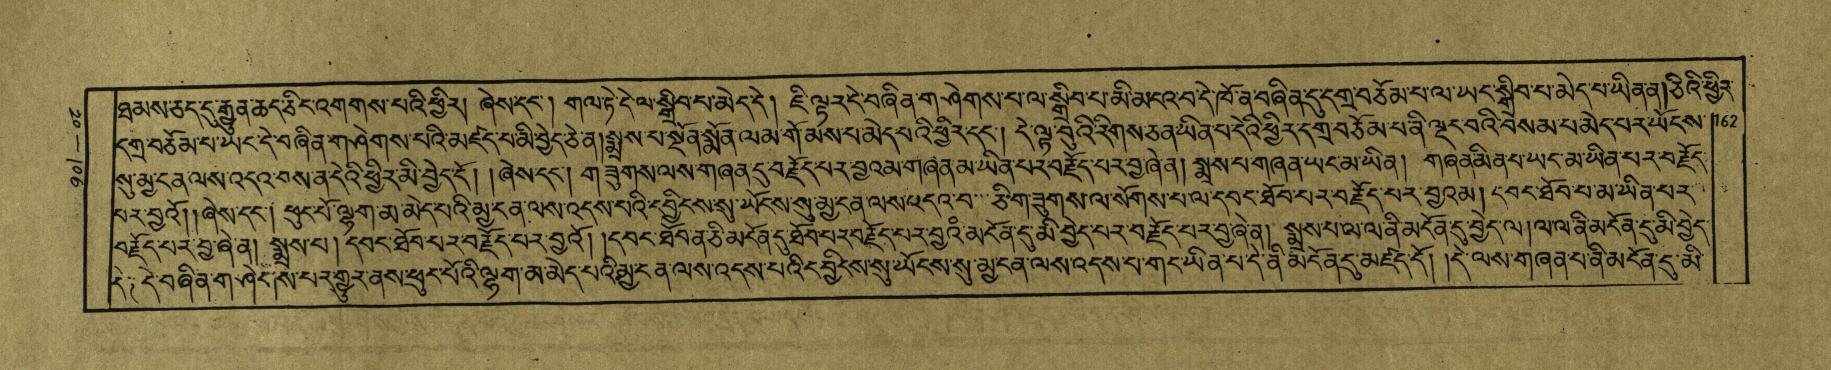ཐམས་ཅད་དུ་རྒྱུན་ཆད་ཅིང་འགགས་པའི་ཕྱིར། ཞེས་དང་། གལ་ཏེ་དེ་ལ་སྒྲིབ་པ་མེད་དེ། ཇི་ལྟར་དེ་བཞིན་གཤེགས་པ་ལ་སྒྲིབ་པ་མི་མངའ་བ་དེ་ཁོ་ན་བཞིན་དུ་དགྲ་བཅོམ་པ་ལ་ཡང་སྒྲིབ་པ་མེད་པ་ཡིན་ན། ཅིའི་ཕྱིར་
དགྲ་བཅོམ་པ་ཡང་དེ་བཞིན་གཤེགས་པའི་མཛད་པ་མི་བྱེད་ཅེ་ན། སྨྲས་པ་སྔོན་སྨོན་ལམ་གོ་མས་པ་མེད་པའི་ཕྱིར་དང་། དེ་ལྟ་བུའི་རིགས་ཅན་ཡིན་པ་དེའི་ཕྱིར་དགྲ་བཅོམ་པ་ནི་ལྡང་བའི་བསམ་པ་མེད་པར་ཡོངས་
སུ་མྱ་ངན་ལས་འདའ་བས་ན་དེའི་ཕྱིར་མི་བྱེད་དོ། །ཞེས་དང་། གཟུགས་ལས་གཞན་དུ་བརྗོད་པར་བྱའམ་གཞན་མ་ཡིན་པར་བརྗོད་པར་བྱ་ཞེ་ན། སྨྲས་པ་གཞན་ཡང་མ་ཡིན། གཞན་མིན་པ་ཡང་མ་ཡིན་པར་བརྗོད་
པར་བྱའོ། །ཞེས་དང་། ཕུང་པོ་ལྷག་མ་མེད་པའི་མྱ་ངན་ལས་འདས་པའི་དབྱིངས་སུ་ཡོངས་སུ་མྱ་ངན་ལས་འདའ་བ་ཅིག་གཟུགས་ལ་སོགས་པ་ལ་དབང་ཐོབ་པར་བརྗོད་པར་བྱའམ། དབང་ཐོབ་པ་མ་ཡིན་པར་
བརྗོད་པར་བྱ་ཞེ་ན། སྨྲས་པ། དབང་ཐོབ་པར་བརྗོད་པར་བྱའོ། །དབང་ཐོབ་ན་ཅི་མངོན་དུ་ཐོབ་པར་བརྗོད་པར་བྱའཾ་མངོན་དུ་མི་བྱེད་པར་བརྗོད་པར་བྱ་ཞེ་ན། སྨྲས་པ་ལ་ལ་ནི་མངོན་དུ་བྱེད་ལ། ལ་ལ་ནི་མངོན་དུ་མི་བྱེད་
དེ༑ དེ་བཞིན་གཤེགས་པར་གྱུར་ནས་ཕུང་པོའི་ལྷག་མ་མེད་པའི་མྱ་ངན་ལས་འདས་པའི་དབྱིངས་སུ་ཡོངས་སུ་མྱ་ངན་ལས་འདས་པ་གང་ཡིན་པ་དེ་ནི་མངོན་དུ་མཛད་དོ། །དེ་ལས་གཞན་པ་ནི་མངོན་དུ་མི་